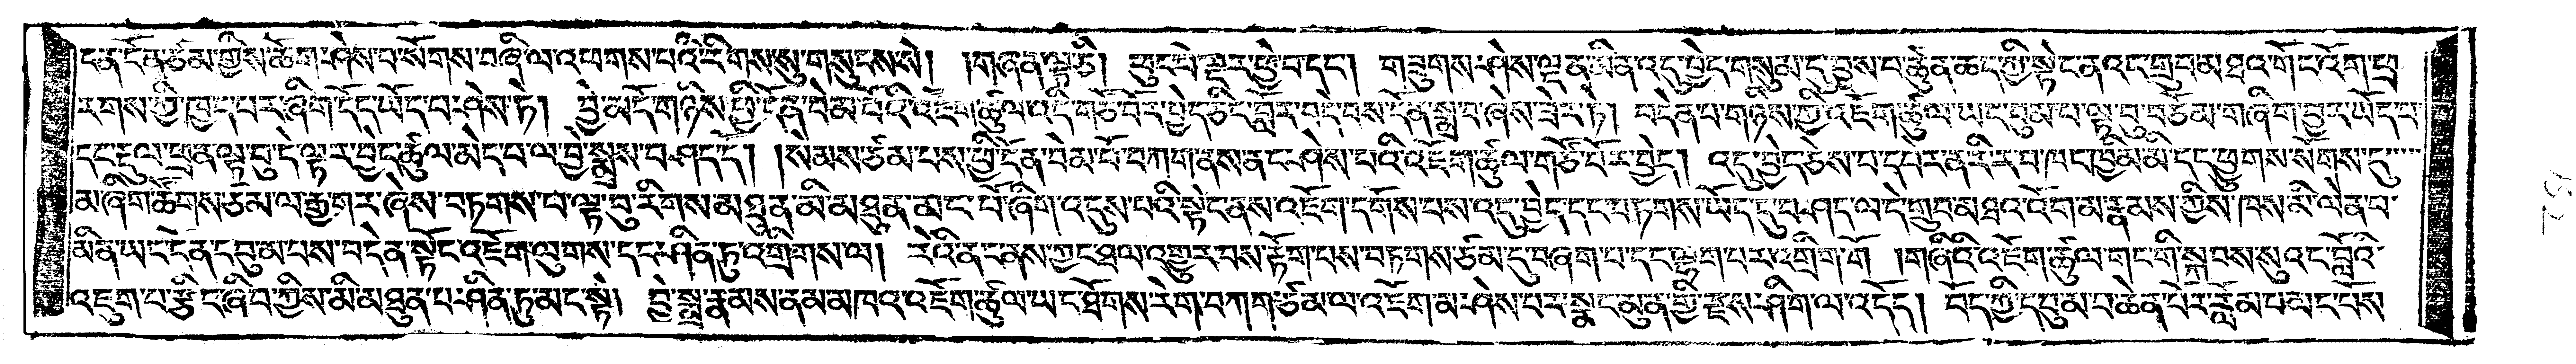ངན་དོན་ཙམ་གྱིས་ཆོག་ཤོས་པ་སོགས་བཞི་ལ་འཕགས་པའི་རིགས་སུ་གསུངས་སོ། །གཞན་ལྟ་ཅི། ཕུང་པོ་ལྔར་ཕྱེ་བ་དང་། གཟུགས་ཤེས་ལྡན་མིན་འདུ་བྱེད་གསུམ་དུ་བྱས་པ་ཚུན་ཆད་ཀྱི་སྟེང་ནའང་གྲུབ་མཐའ་གོང་འོག་ཕྲ་
རགས་ཀྱི་ཁྱད་པར་ཞིག་དོད་ཡོད་པ་ཤེས་ཏེ། བྱེད་མདོ་གཉིས་ཕྱི་དོན་བེམ་པོའི་འཇོག་ཚུལ་འདི་གཙོ་བོར་བྱེད་ཅིང་བློར་བདེ་བས་དོན་སྨྲ་བ་ཞེས་ཟེར་ཏེ། བདེན་པ་གཉིས་ཀྱི་འཇོག་ཚུལ་ཡང་བུམ་པ་ལྟ་བུ་བཅོམ་གཞིག་བྱར་ཡོད་པ་
དང་རྡུལ་ཕྲན་ལྟ་བུ་དེ་ལྟར་བྱེད་ཚུལ་མེད་པ་ལ་བྱེ་སྨྲས་བཤད་དོ། །སེམས་ཙམ་པས་ཕྱི་དོན་བེམ་པོ་བཀག་ནས་ནང་ཤེས་པའི་འཇོག་ཚུལ་གཙོ་བོར་བྱེད། འདུ་བྱེད་ཅེས་པ་དཔེར་ན་རི་རབ་ཁང་ཁྱིམ་མི་དང་ཕྱུགས་སོགས་དུ་
མ་ཞིག་ཚོགས་ཙམ་ལ་རྒྱ་གར་ཞེས་བཏགས་པ་ལྟ་བུ་རིགས་མཐུན་མི་མཐུན་མང་པོ་ཞིག་འདུས་པའི་སྟེང་ནས་འཇོག་དགོས་པས་འདུ་བྱེད་དང་བཏགས་ཡོད་དུ་བཤད་ལ་དེ་གྲུབ་མཐའ་འོག་མ་རྣམས་ཀྱིས་ཁས་མི་ལེན་པ་
མིན་ཡང་དོན་དབུ་མ་པས་བདེན་སྟོང་འཇོག་ལུགས་དང་ཤིན་ཏུ་འགྲིགས་ལ། རེའི་ནང་ནས་ཀྱང་ཐལ་འགྱུར་བས་རྟོག་པས་བཏགས་ཙམ་དུ་བཞག་པ་དང་ལྷག་པར་འགྲིག་གོ། །གཞིའི་འཇོག་ཚུལ་གང་གི་སྐབས་སུའང་བློའི་
འཇུག་པ་རྩིང་ཞིབ་ཀྱིས་མི་མཐུན་པ་ཤིན་ཏུ་མང་སྟེ། བྱེ་སྨྲ་རྣམས་ནམ་མཁའ་འཇོག་ཚུལ་ཡང་ཐོགས་རེག་བཀག་ཙམ་ལ་འཇོག་མ་ཤེས་པར་སྣང་མུན་གྱི་རྫས་ཤིག་ལ་འདོད། བོད་ཀྱི་དབུ་མ་པ་ཆེན་པོར་རློམ་པ་མང་པོས་